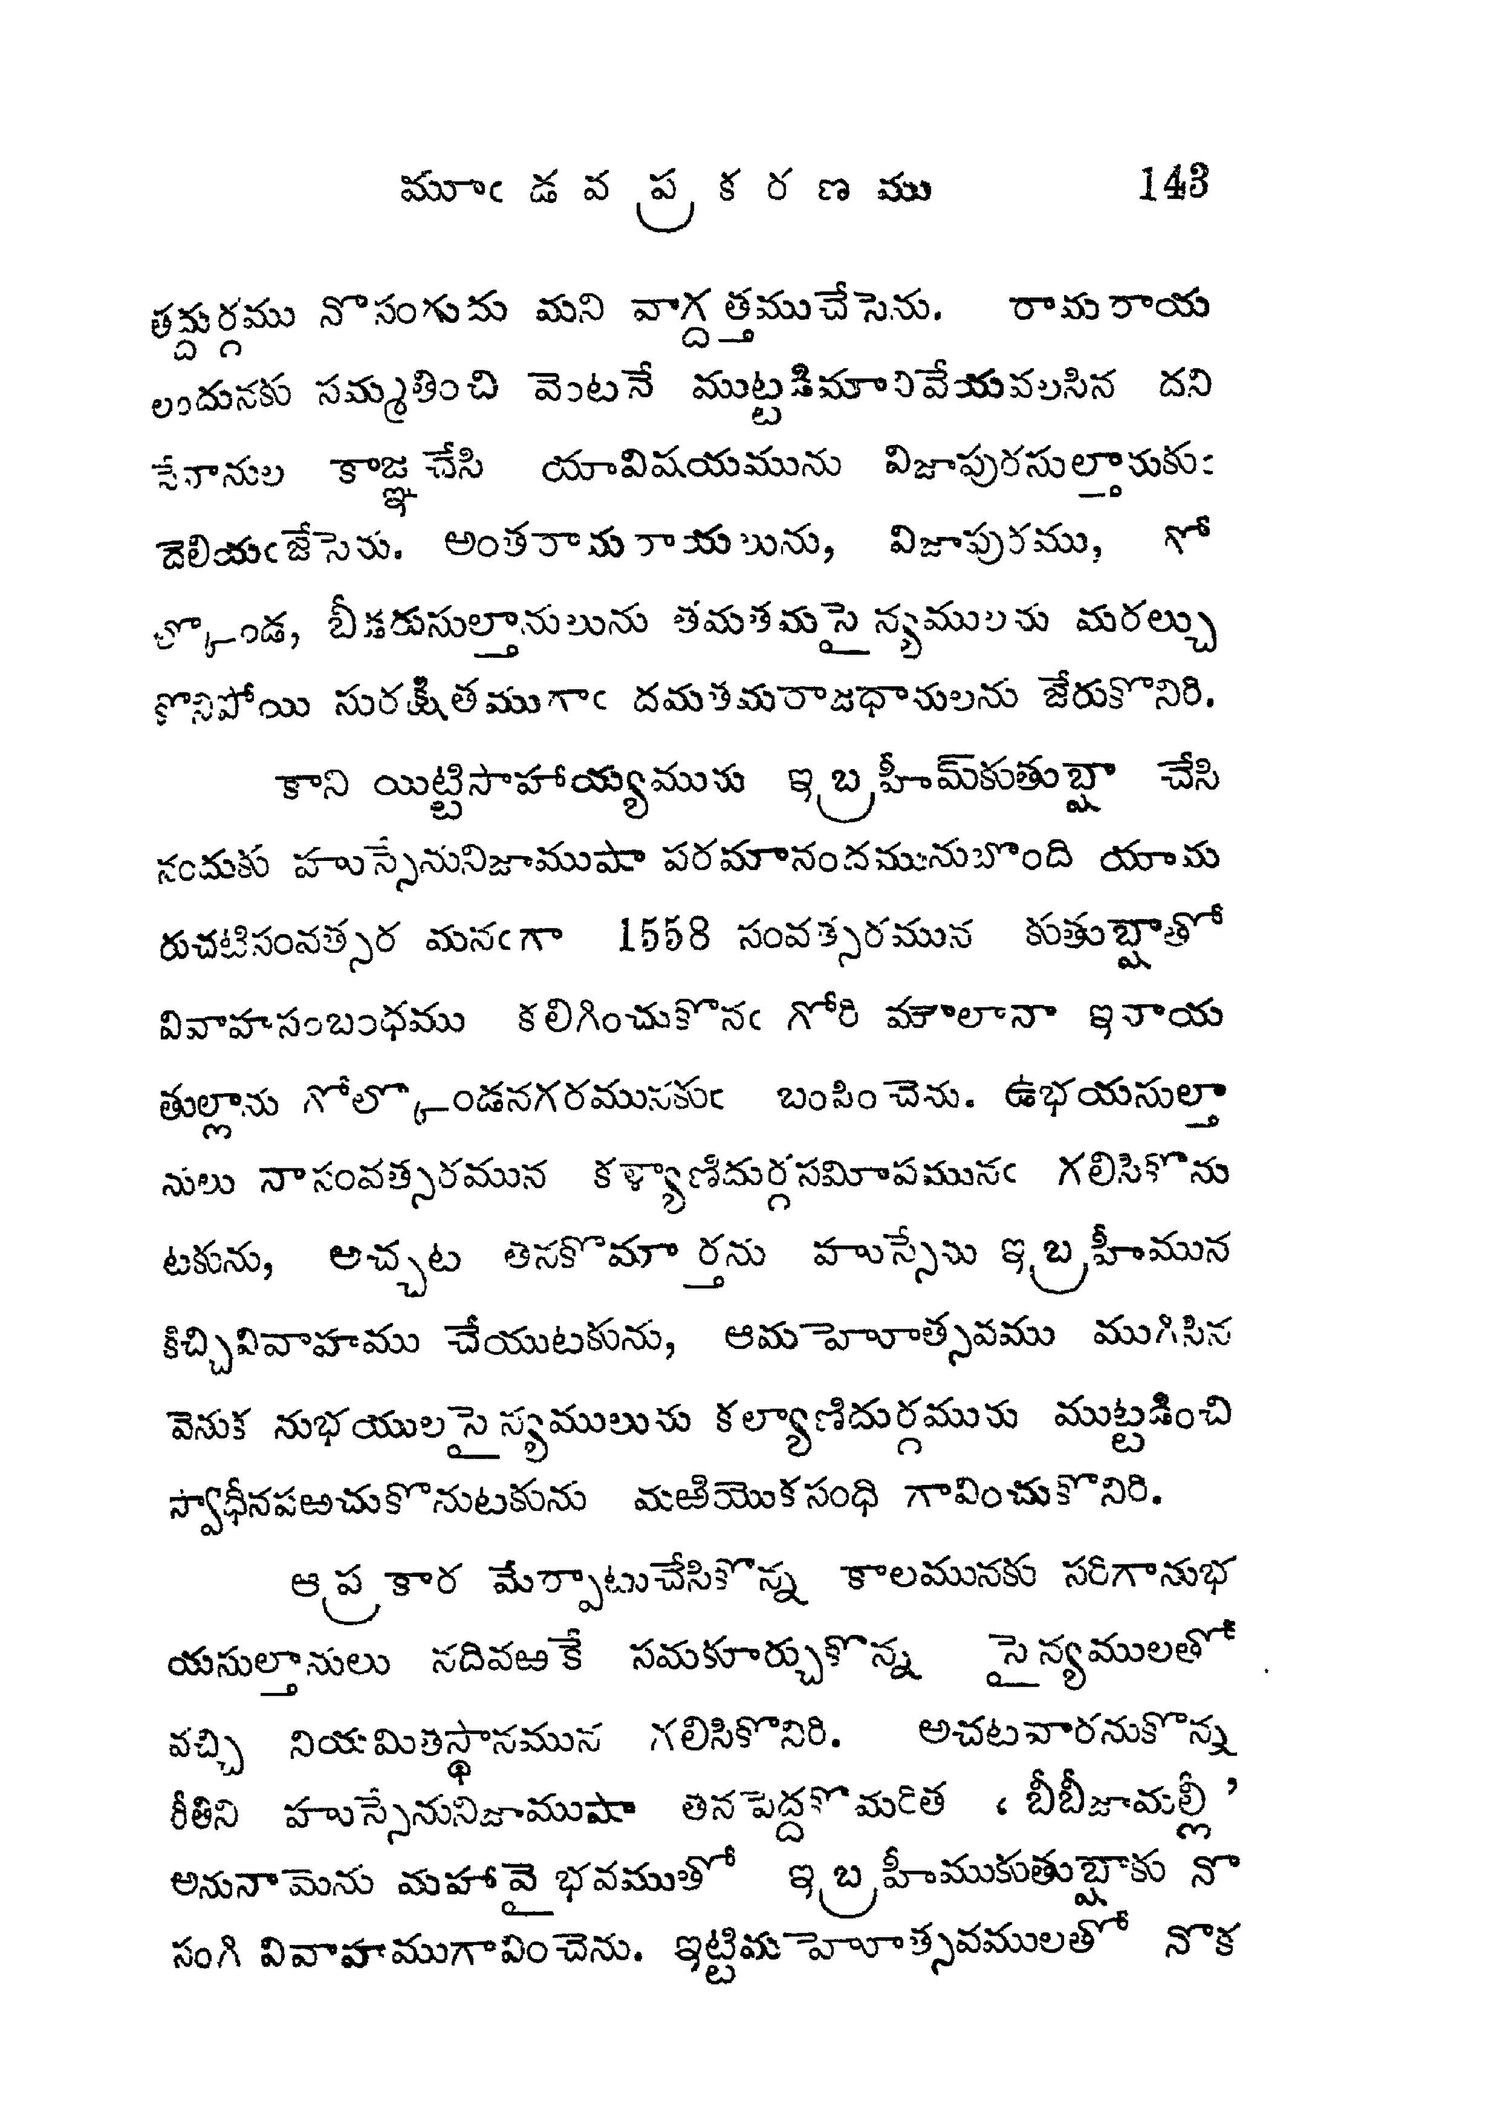తద్దుర్గము నొసంగుదు మని వాగ్దత్తముచేసెను. రామరాయలందునకు సమ్మతించి వెంటనే ముట్టడిమానివేయవలసిన దని సేనానుల కాజ్ఞచేసి యావిషయమును విజాపురసుల్తానుకు దెలియజేసెను. అంతరామరాయలును, విజాపురము, గోల్కొండ, బీడరుసుల్తానులును తమతమసైన్యములను మరల్చుకొనిపోయి సురక్షితముగా దమతమరాజధానులను జేరుకొనిరి.

కాని యిట్టిసాహాయ్యమును ఇబ్రహీమ్‌కుతుబ్షా చేసి నందుకు హుస్సేనునిజాముషా పరమానందమునుబొంది యామరుచటిసంవత్సర మనగా 1558 సంవత్సరమున కుతుబ్షాతో వివాహసంబంధము కలిగించుకొన గోరి మౌలానా ఇనాయతుల్లాను గోల్కొండనగరమునకు బంపించెను. ఉభయసుల్తానులు నాసంవత్సరమున కళ్యాణిదుర్గసమీపమున గలిసికొనుటకును, అచ్చట తనకొమార్తను హుస్సేను ఇబ్రహీమున కిచ్చివివాహము చేయుటకును, ఆమహోత్సవము ముగిసిన వెనుక నుభయులసైన్యములును కళ్యాణిదుర్గమును ముట్టడించి స్వాధీనపఱచుకొనుటకును మఱియొకసంధి గావించుకొనిరి.

ఆప్రకార మేర్పాటుచేసికొన్న కాలమునకు సరిగానుభయసుల్తానులు నదివఱకే సమకూర్చుకొన్న సైన్యములతో వచ్చి నియమితస్థానమున గలిసికొనిరి. అచటవారనుకొన్న రీతిని హుస్సేనునిజాముషా తనపెద్దకొమరిత 'బీబీజామల్లీ' అనునామెను మహావైభవముతో ఇబ్రహీముకుతుబ్షాకు నొసంగి వివాహముగావించెను. ఇట్టిమహోత్సవములతో నొక